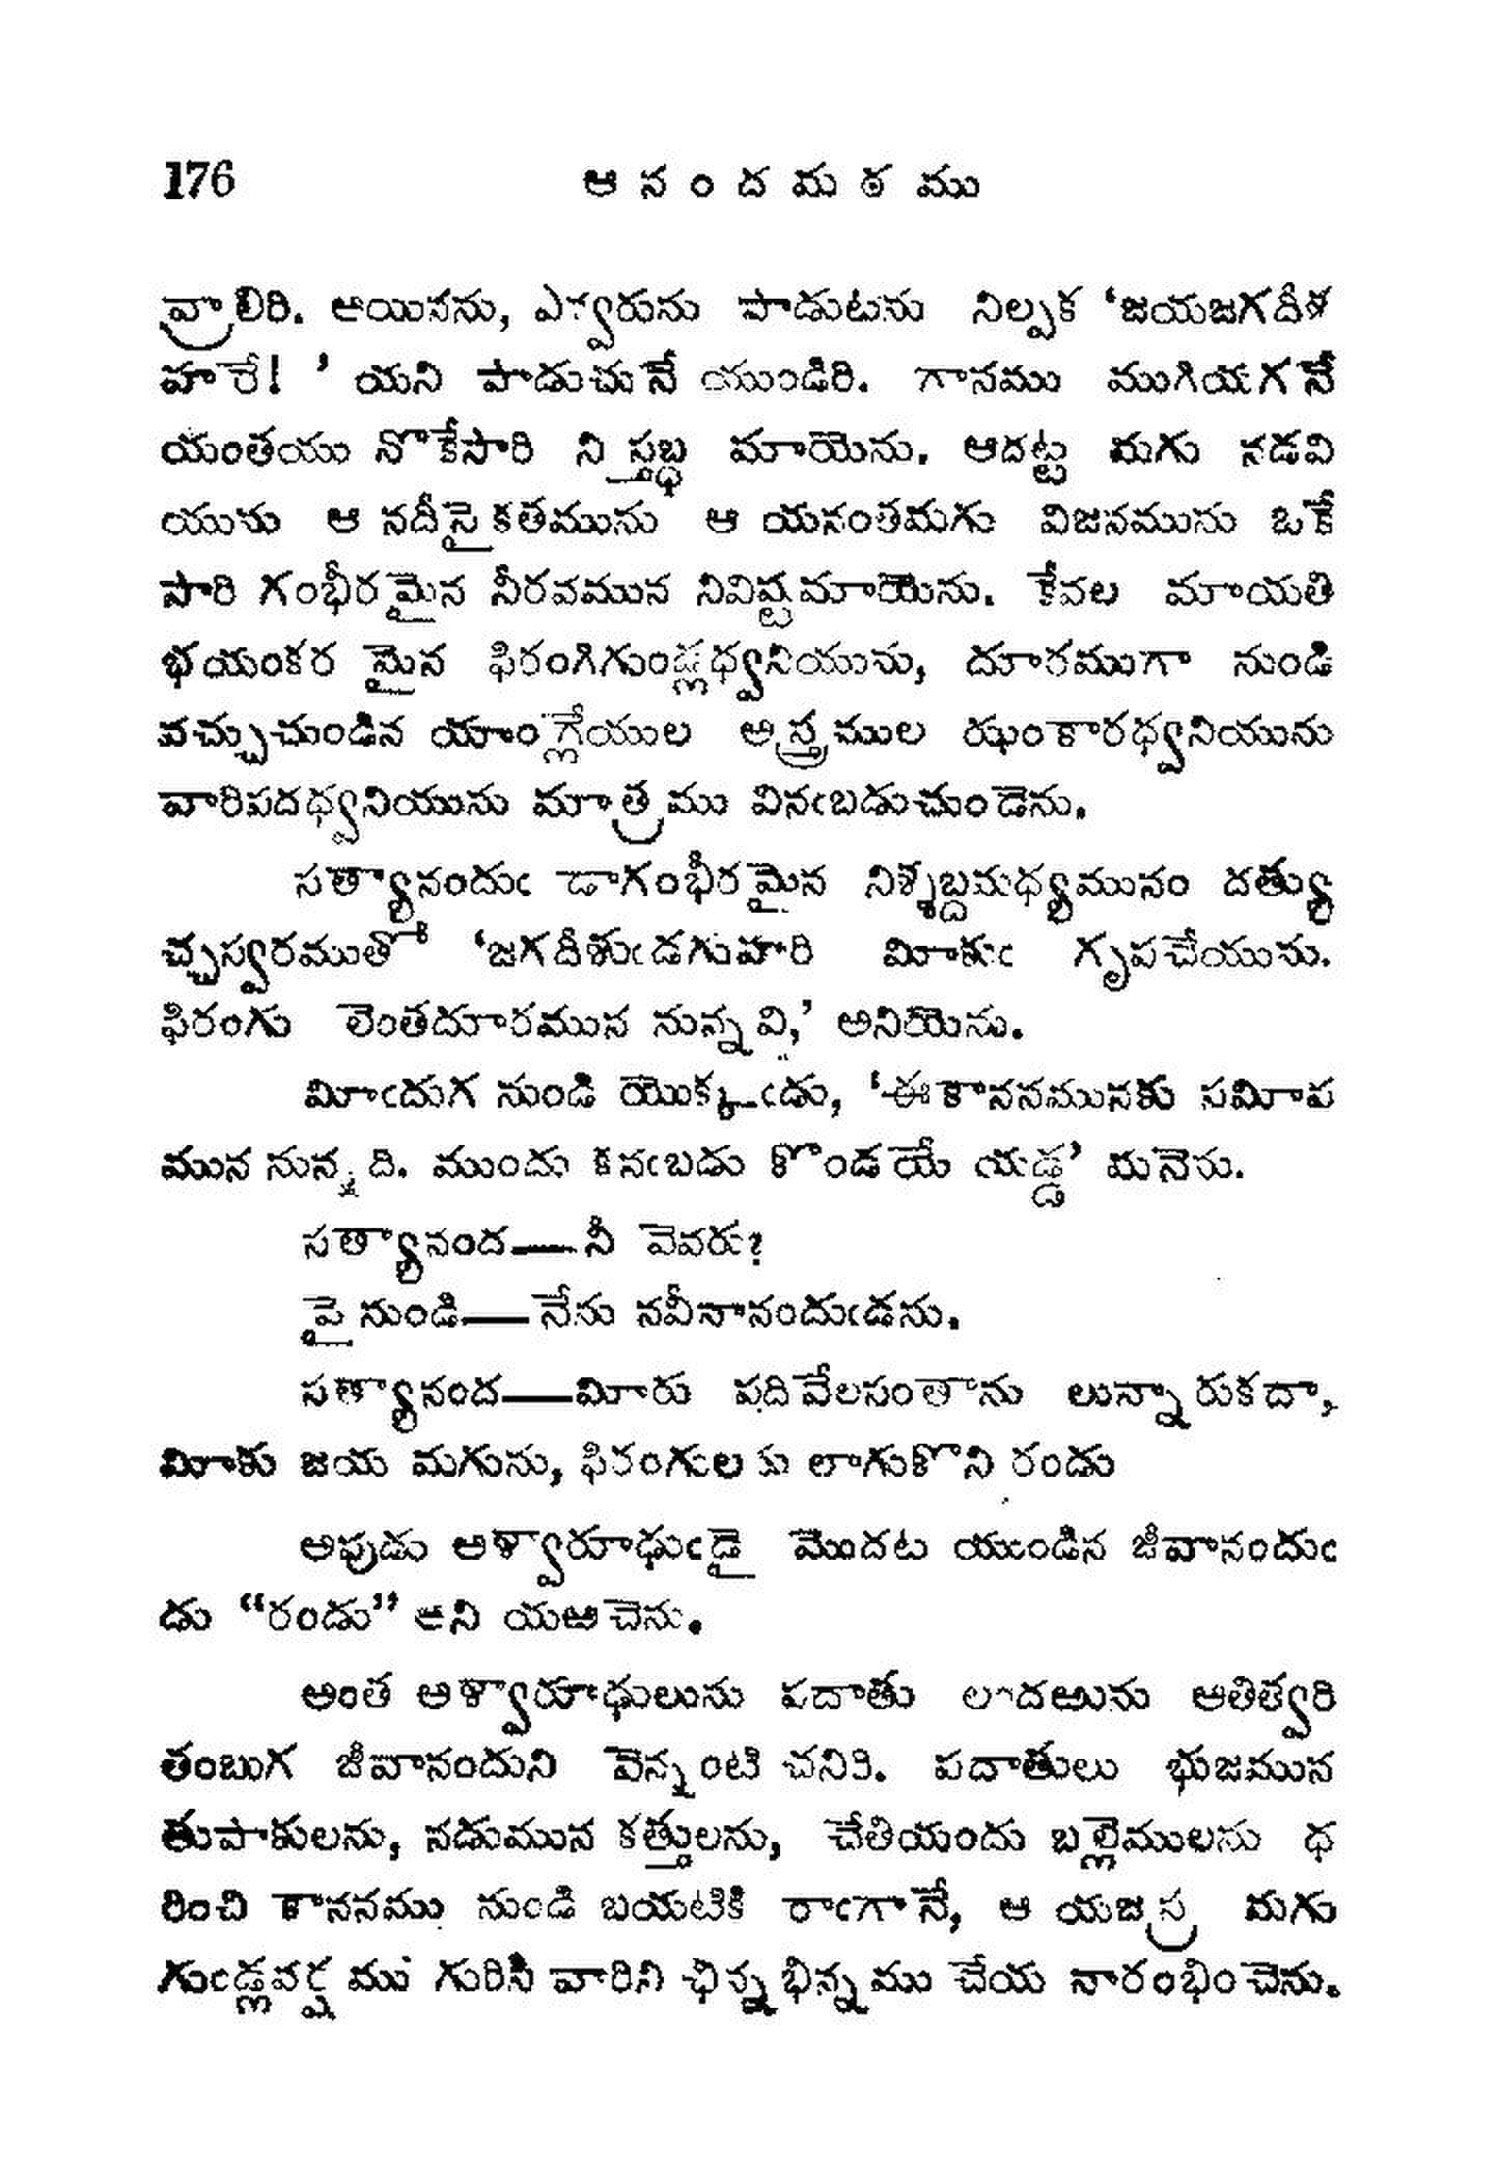వ్రాలిరి. అయినను, ఎవ్వరును పాడుటను నిల్పక “జయజగదీశ హరే! ' యని పాడుచునే యుండిరి. గానము ముగియగనే యంతయు నొకేసారి నిస్తబ్ద మాయెను. ఆదట్ట మగు నడవియును ఆ నదీసైకతమును ఆ యనంతమగు విజనమును ఒకేసారి గంభీరమైన నీరవమున నివిష్ట మాయెను. కేవల మాయతి భయంకరమైన ఫిరంగిగుండ్ల ధ్వనియును, దూరముగా నుండి వచ్చుచుండిన యాంగ్లేయుల అస్త్రముల ఝంకారధ్వనియును వారిపదధ్వనియును మాత్రము వినఁబడుచుండెను.

సత్యానందుఁ డాగంభీరమైన నిశ్శబ్దమధ్యమునం దత్యుచ్చస్వరముతో 'జగదీశుఁడగుహరి మీకుఁ గ్రుపచేయును. ఫిరంగు లెంతదూరమున నున్నవి,' అనియెను.

మీఁదుగ నుండి యొక్కఁడు, ఈకాననమునకు సమీపమున నున్నది. ముందు కనఁబడు కొండయే యడ్డ' మనెను.

సత్యానంద—— నీ వెవరు?

పై నుండి—— నేను నవీనానందుఁడను.

సత్యానంద——మీరు పది వేలసంతాను లున్నారుకదా, మీకు జయ మగును, ఫిరంగులను లాగుకొని రండు

అపుడు అశ్వారూఢుఁడై మొదట యుండిన జీవానందుఁడు "రండు" అని యఱచెను.

అంత ఆళ్వారూఢులును పదాతు లందఱును అతిత్వరితంబుగ జీవానందుని వెన్నంటి చనిరి. పదాతులు భుజమున
తుపాకులను, నడుమున కత్తులను, చేతియందు బల్లెములను ధరించి కాననము నుండి బయటికి రాగానే, ఆ యజస్ర మగు గుండ్లవర్షము గురిసి వారిని చిన్న భిన్నము చేయ నారంభించెను.